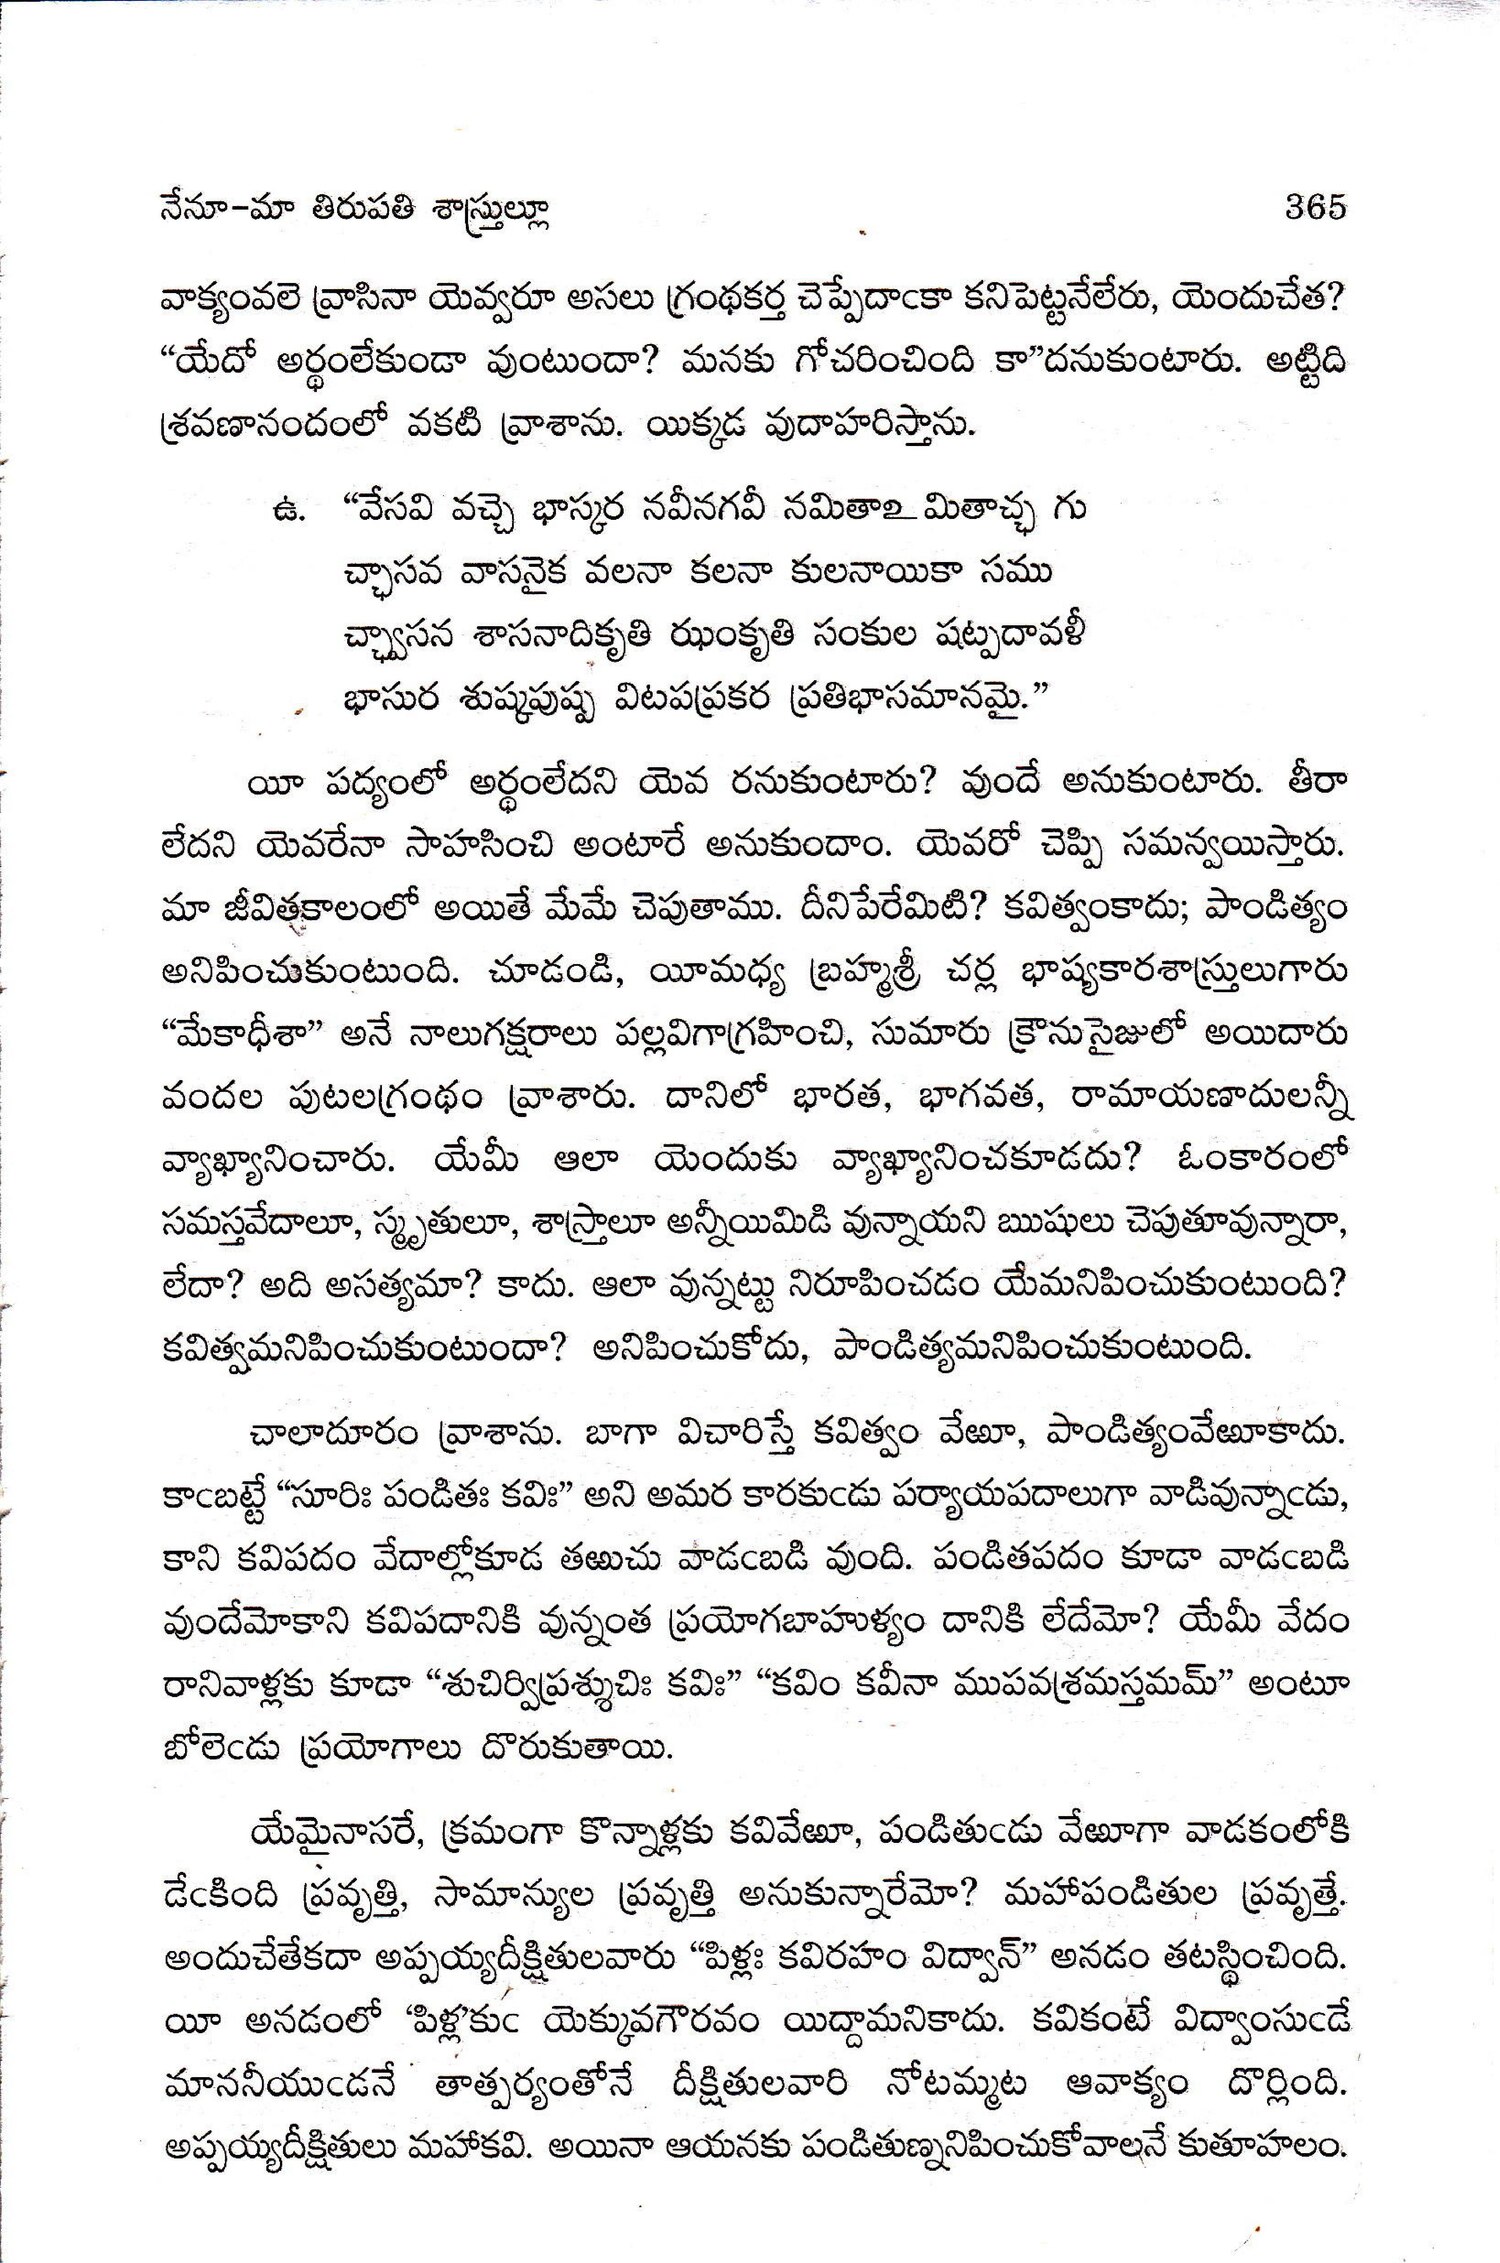వాక్యంవలె వ్రాసినా యెవ్వరూ అసలు గ్రంథకర్త చెప్పేదాఁకా కనిపెట్టనేలేరు, యెందుచేత? “యేదో అర్థంలేకుండా వుంటుందా? మనకు గోచరించింది కా"దనుకుంటారు. అట్టిది శ్రవణానందంలో వకటి వ్రాశాను. యిక్కడ వుదాహరిస్తాను.

ఉ. "వేసవి వచ్చె భాస్కర నవీనగవీ నమితా౽మితాచ్చ గు
 చ్ఛాసవ వాసనైక వలనా కలనా కులనాయికా సము 
 చ్ఛ్వాసన శాసనాదికృతి ఝంకృతి సంకుల షట్పదావళీ 
 భాసుర శుష్కపుష్ప విటపప్రకర ప్రతిభాసమానమై.”
యీ పద్యంలో అర్థంలేదని యెవ రనుకుంటారు? వుందే అనుకుంటారు. తీరా లేదని యెవరేనా సాహసించి అంటారే అనుకుందాం. యెవరో చెప్పి సమన్వయిస్తారు. మా జీవితకాలంలో అయితే మేమే చెపుతాము. దీనిపేరేమిటి? కవిత్వంకాదు; పాండిత్యం అనిపించుకుంటుంది. చూడండి, యీమధ్య బ్రహ్మశ్రీ చర్ల భాష్యకారశాస్త్రులుగారు "మేకాధీశా” అనే నాలుగక్షరాలు పల్లవిగాగ్రహించి, సుమారు క్రౌనుసైజులో అయిదారు వందల పుటలగ్రంథం వ్రాశారు. దానిలో భారత, భాగవత, రామాయణాదులన్నీ వ్యాఖ్యానించారు. యేమీ ఆలా యెందుకు వ్యాఖ్యానించకూడదు? ఓంకారంలో సమస్తవేదాలూ, స్మృతులూ, శాస్త్రాలూ అన్నీయిమిడి వున్నాయని ఋషులు చెపుతూవున్నారా, లేదా? అది అసత్యమా? కాదు. ఆలా వున్నట్టు నిరూపించడం యేమనిపించుకుంటుంది? కవిత్వమనిపించుకుంటుందా? అనిపించుకోదు, పాండిత్యమనిపించుకుంటుంది.

చాలాదూరం వ్రాశాను. బాగా విచారిస్తే కవిత్వం వేఱూ, పాండిత్యంవేఱూకాదు. కాఁబట్టే "సూరిః పండితః కవి" అని అమర కారకుఁడు పర్యాయపదాలుగా వాడివున్నాఁడు, కాని కవిపదం వేదాల్లోకూడ తఱుచు వాడఁబడి వుంది. పండితపదం కూడా వాడఁబడి వుందేమోకాని కవిపదానికి వున్నంత ప్రయోగబాహుళ్యం దానికి లేదేమో? యేమీ వేదం రానివాళ్లకు కూడా “శుచిర్విప్రశుచిః కవిః" "కవిం కవీనా ముపవశ్రమస్తమమ్” అంటూ బోలెఁడు ప్రయోగాలు దొరుకుతాయి.

యేమైనాసరే, క్రమంగా కొన్నాళ్లకు కవివేఱూ, పండితుఁడు వేఱూగా వాడకంలోకి డేఁకింది ప్రవృత్తి, సామాన్యుల ప్రవృత్తి అనుకున్నారేమో? మహాపండితుల ప్రవృత్తే. అందుచేతేకదా అప్పయ్యదీక్షితులవారు "పిళ్లః కవిరహం విద్వాన్" అనడం తటస్థించింది. యీ అనడంలో పిళ్ల'కుఁ యెక్కువగౌరవం యిద్దామనికాదు. కవికంటే విద్వాంసుఁడే
మాననీయుఁడనే తాత్పర్యంతోనే దీక్షితులవారి నోటమ్మట ఆవాక్యం దొర్లింది. అప్పయ్యదీక్షితులు మహాకవి. అయినా ఆయనకు పండితుణ్ననిపించుకోవాలనే కుతూహలం.